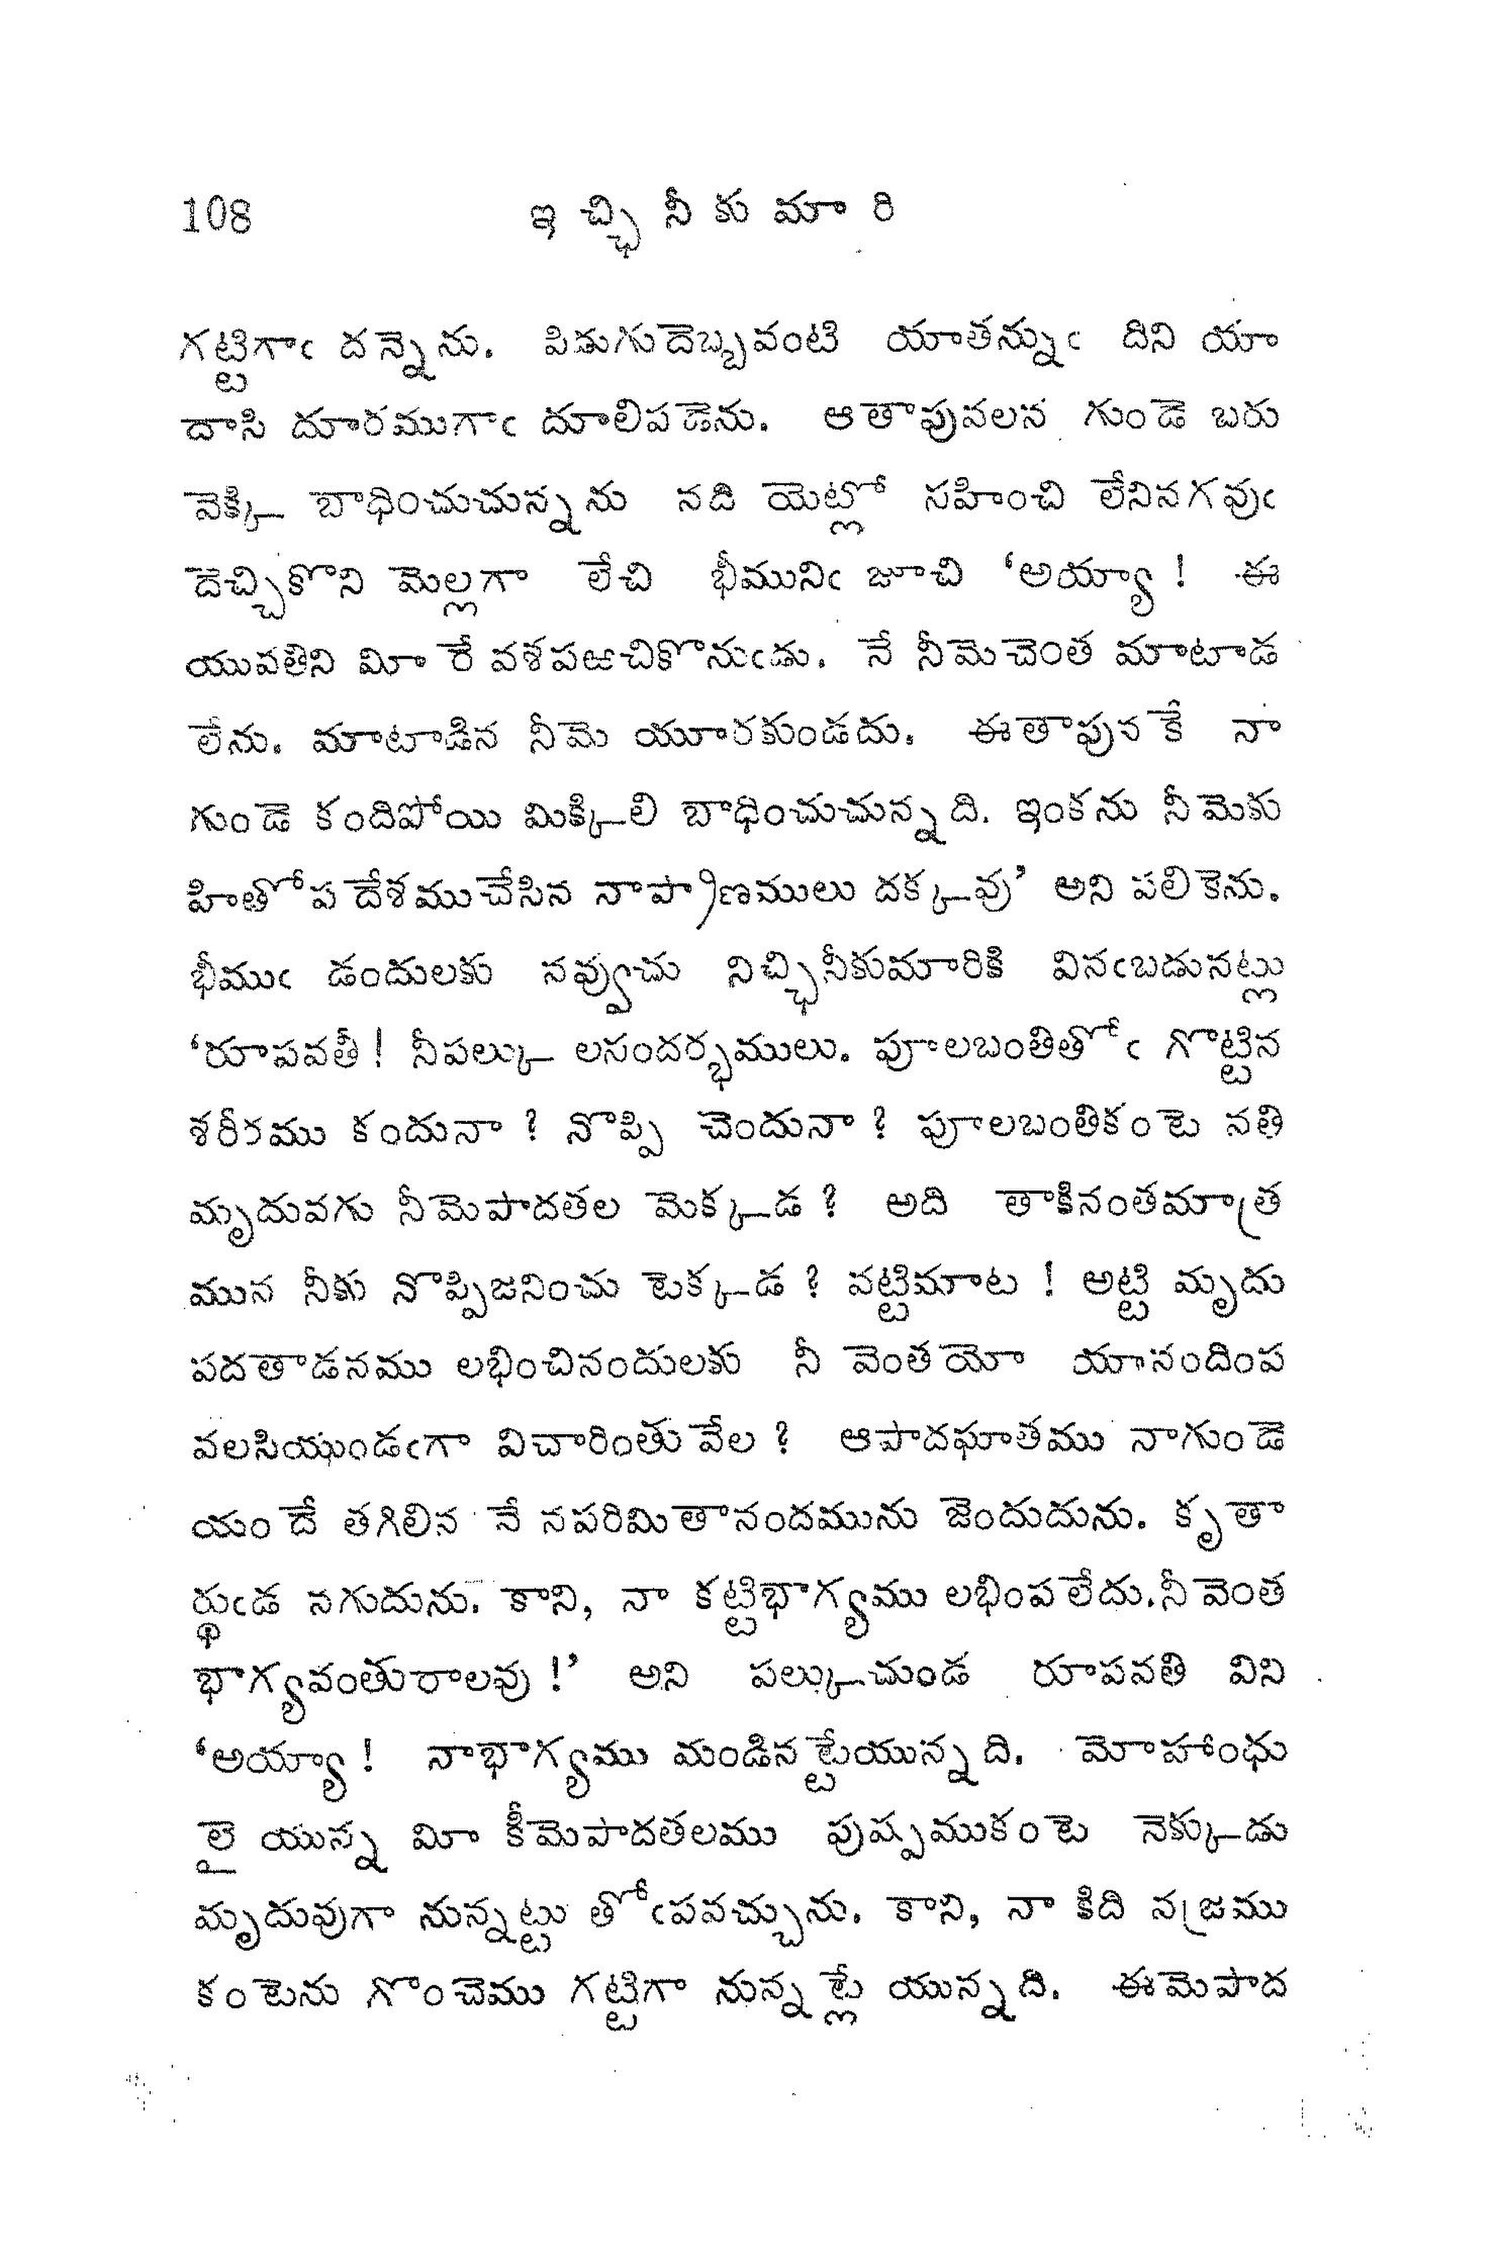గట్టిగాఁ దన్నెను. పిడుగు దెబ్బవంటి యాతన్నుఁ దిని యా దాసి దూరముగాఁ దూలిపడెను. ఆ తాపువలన గుండె బరు వెక్కి బాధించుచున్నను నది యెట్లో సహించి లేనినగవుఁ దెచ్చికొని మెల్లగా లేచి భీమునిఁ జూచి 'అయ్యా ! ఈ యువతిని మీరే వశపఱచి కొనుఁడు. నే నీమె చెంత మాటాడ లేను. మాటాడిన నీమె యూరకుండదు. ఈ తాపున కే నా గుండె కందిపోయి మిక్కిలి బాధించుచున్నది. ఇంకను నీమెకు హితోపదేశము చేసిన నాప్రాణములు దక్కవు' అని పలికెను, భీముఁ డందులకు నవ్వుచు నిచ్ఛినీకుమారికి వినఁబడునట్లు 'రూపవతీ ! నీ పల్కు లసందర్భములు. పూలబంతితోఁ గొట్టిన శరీరము కందునా ! నొప్పి చెందునా ! పూలబంతికంటె నతి మృదువగు నీ మెపాదతల మెక్కడ ? అది తాకినంతమాత్ర మున నీకు నొప్పి జనించు టెక్కడ ? వట్టిమాట ! అట్టి మృదు పద తాడనము లభించినందులకు నీ వెంతయో యానందింప వలసియుండఁగా విచారింతు వేల ? ఆపాదఘాతము నాగుండె యం దే తగిలిన ' నే నపరిమి తానందమును జెందుదును. కృతా ర్థుఁడ నగుదును. కాని, నా కట్టి భాగ్యము లభింప లేదు.నీ వెంత భాగ్యవంతురాలవు !' అని పల్కుచుండ రూపవతి విని 'అయ్యా ! నాభాగ్యము మండిన జేయున్నది. మోహాంధు లై యున్న మీ కీమె పాదతలము పుష్పముకంటె నెక్కుడు మృదువుగా నున్నట్టు తోఁపవచ్చును. కాని, నా కిది వజ్రము కంటెను గొంచెము గట్టిగా నున్నట్లే యున్నది. ఈమె పాద